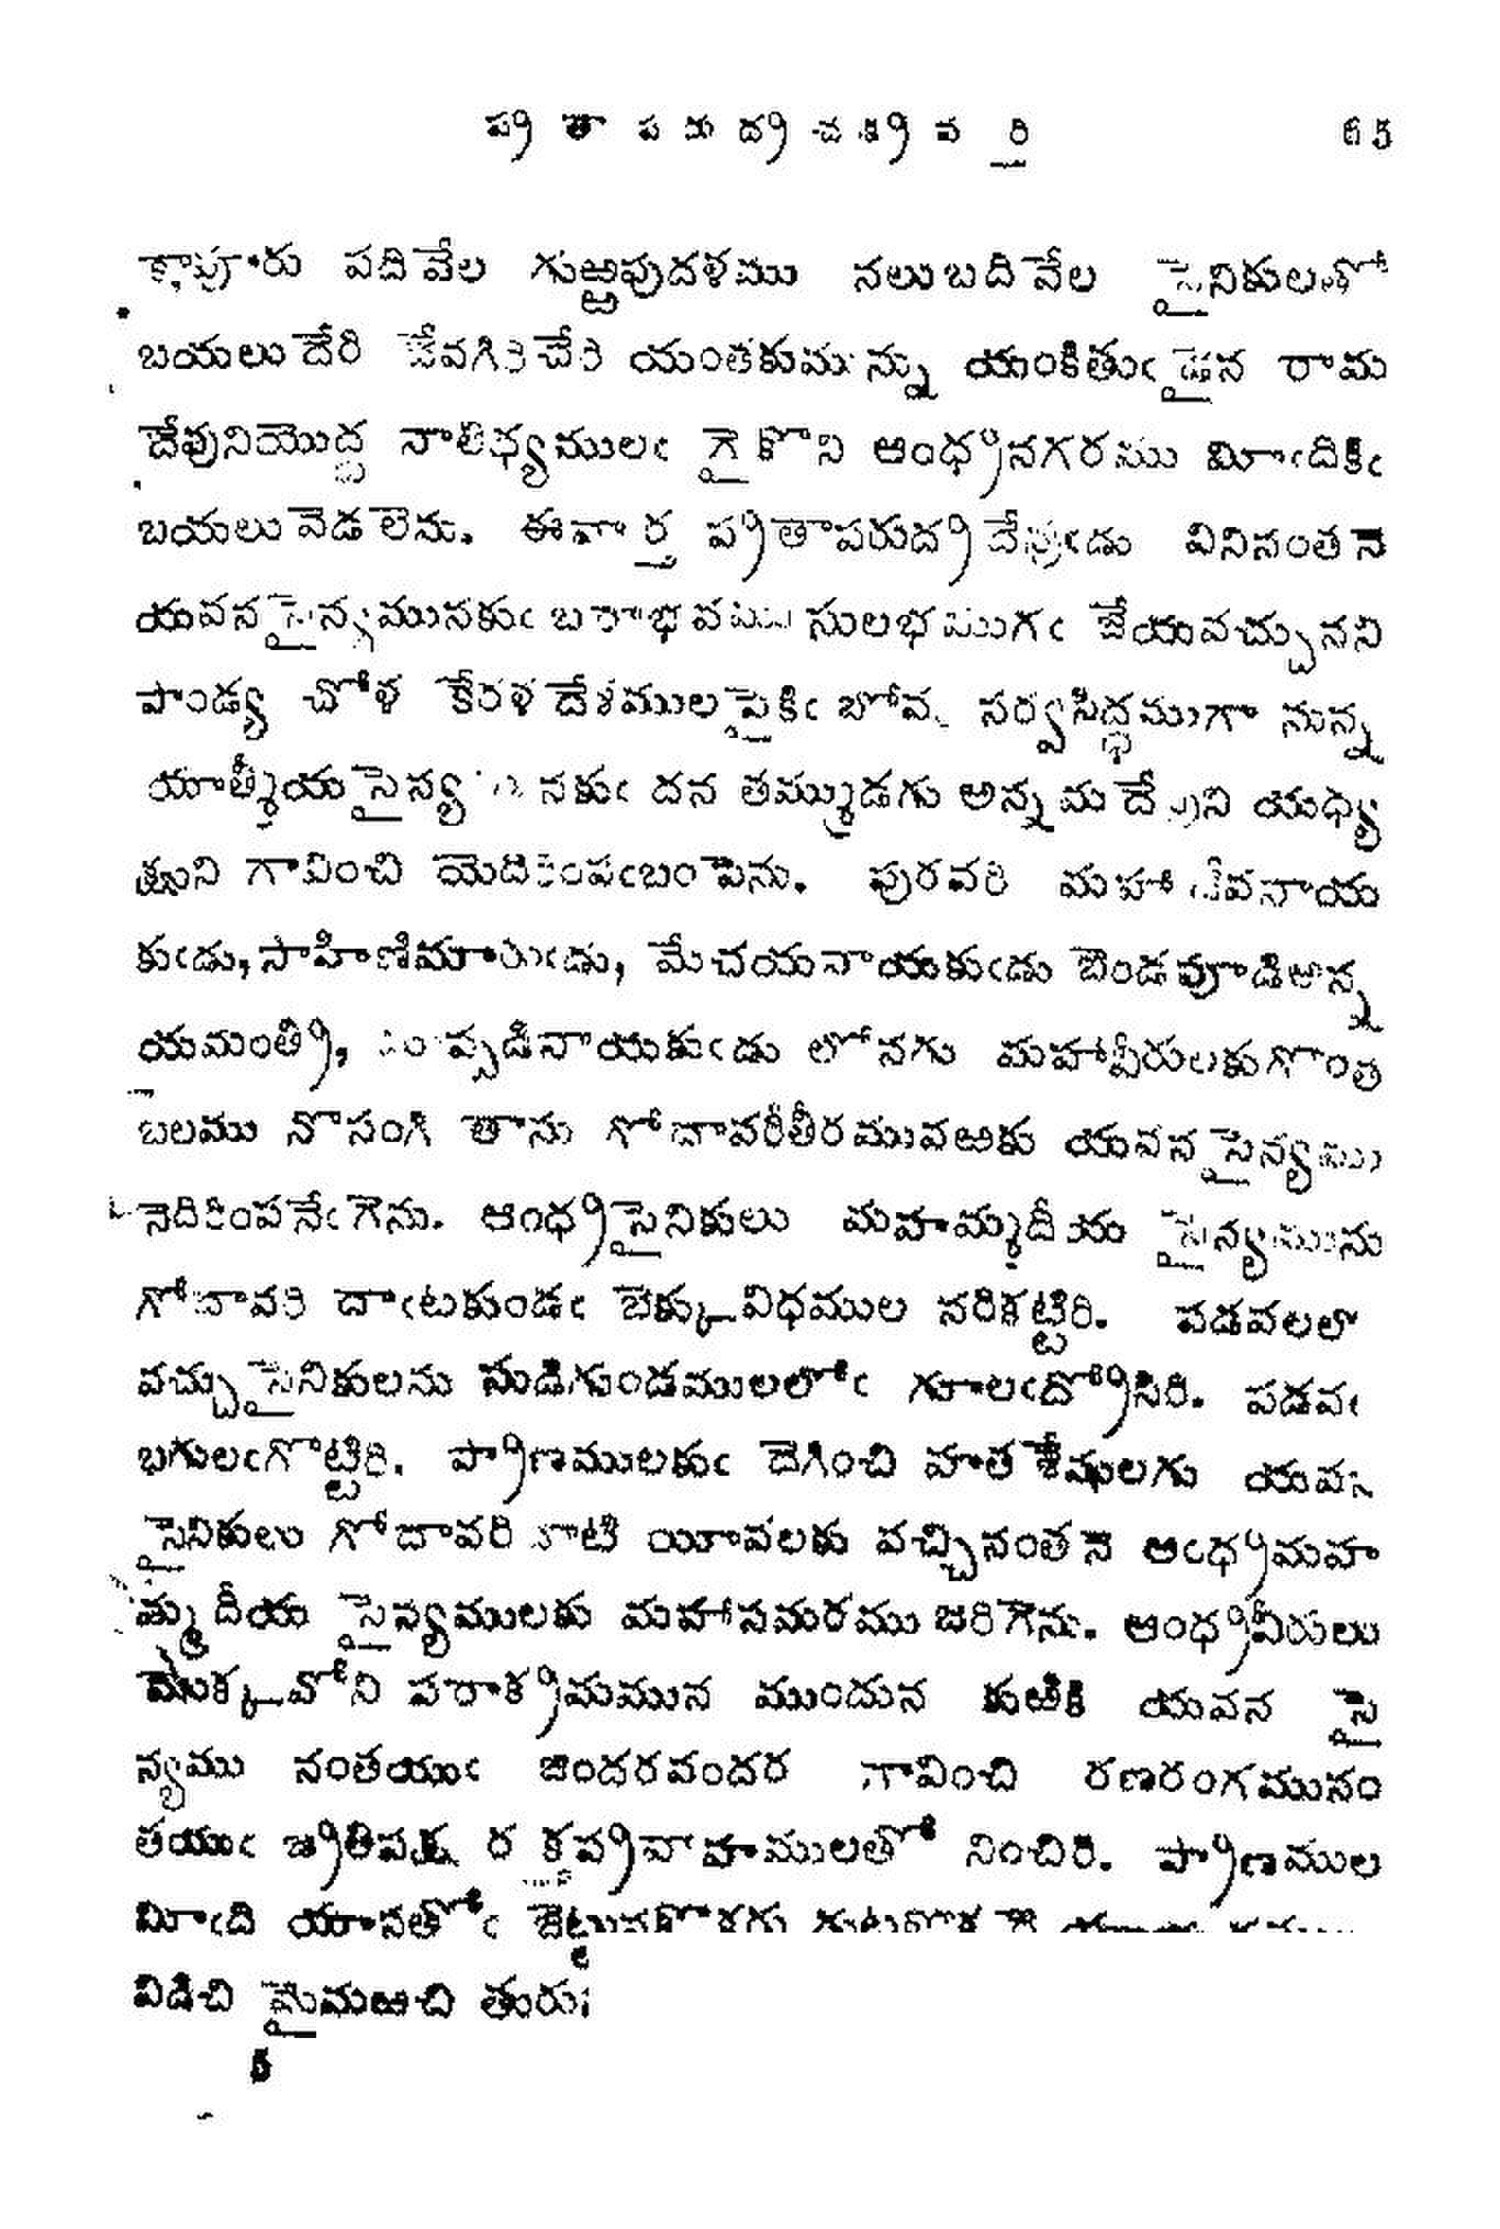కాపూరు పదివేల గుఱ్ఱపుదళము నలుబదివేల సైనికులతో బయలుదేరి దేవగిరిచేరి యంతకుమున్ను యంకితుడైన రామదేవునియొద్ద నాతిధ్యముల గైకొని ఆంధ్రనగరము మీదికి బయలువెడలెను. ఈవార్త ప్రతాపరుద్రదేవుడు వినినంతనె యవనసైన్యమునకు బరాభవము సులభముగ జేయవచ్చునని పాండ్య చోళ కేరళదేశములపైకి బోవ సర్వసిద్ధముగా నున్న యాత్మీయసైన్యమునకు దన తమ్ముడగు అన్నమదేవుని యధ్యక్షుని గావించి యెదిరింపబంపెను. పురవరి మహాదేవనాయకుడు, సాహిణిమారుడు, మేచయనాయకుడు బెండపూడి అన్నయమంత్రి, ముప్పడినాయకుడు లోనగు మహావీరులకు గొంతబలము నొసంగి తాను గోదావరీతీరమువఱకు యవనసైన్యము నెదిరింపనేగెను. ఆంధ్రసైనికులు మహమ్మదీయ సైన్యమును గోదావరి దాటకుండ బెక్కువిధముల నరికట్టిరి. పడవలలో వచ్చుసైనికులను సుడిగుండములలో గూలద్రోసిరి. పడవలు బగులగొట్టిరి. ప్రాణములకు దెగించి హతశేషులగు యవన సైనికులు గోదావరి దాటి యీవలకు వచ్చినంతనె ఆంధ్రమహమ్మదీయ సైన్యములకు మహాసమరము జరిగెను. ఆంధ్రవీరులు మొక్కవోని పరాక్రమమున ముందున కుఱికి యవన సైన్యము నంతయు జిందరవందర గావించి రణరంగము నంతయు బ్రతిపక్ష రక్తప్రవాహములతో నించిరి. ప్రాణముల మీది యాసతో జెట్టునకొకరు గుట్టకొక----------విడిచి మైమఱచి తురు: